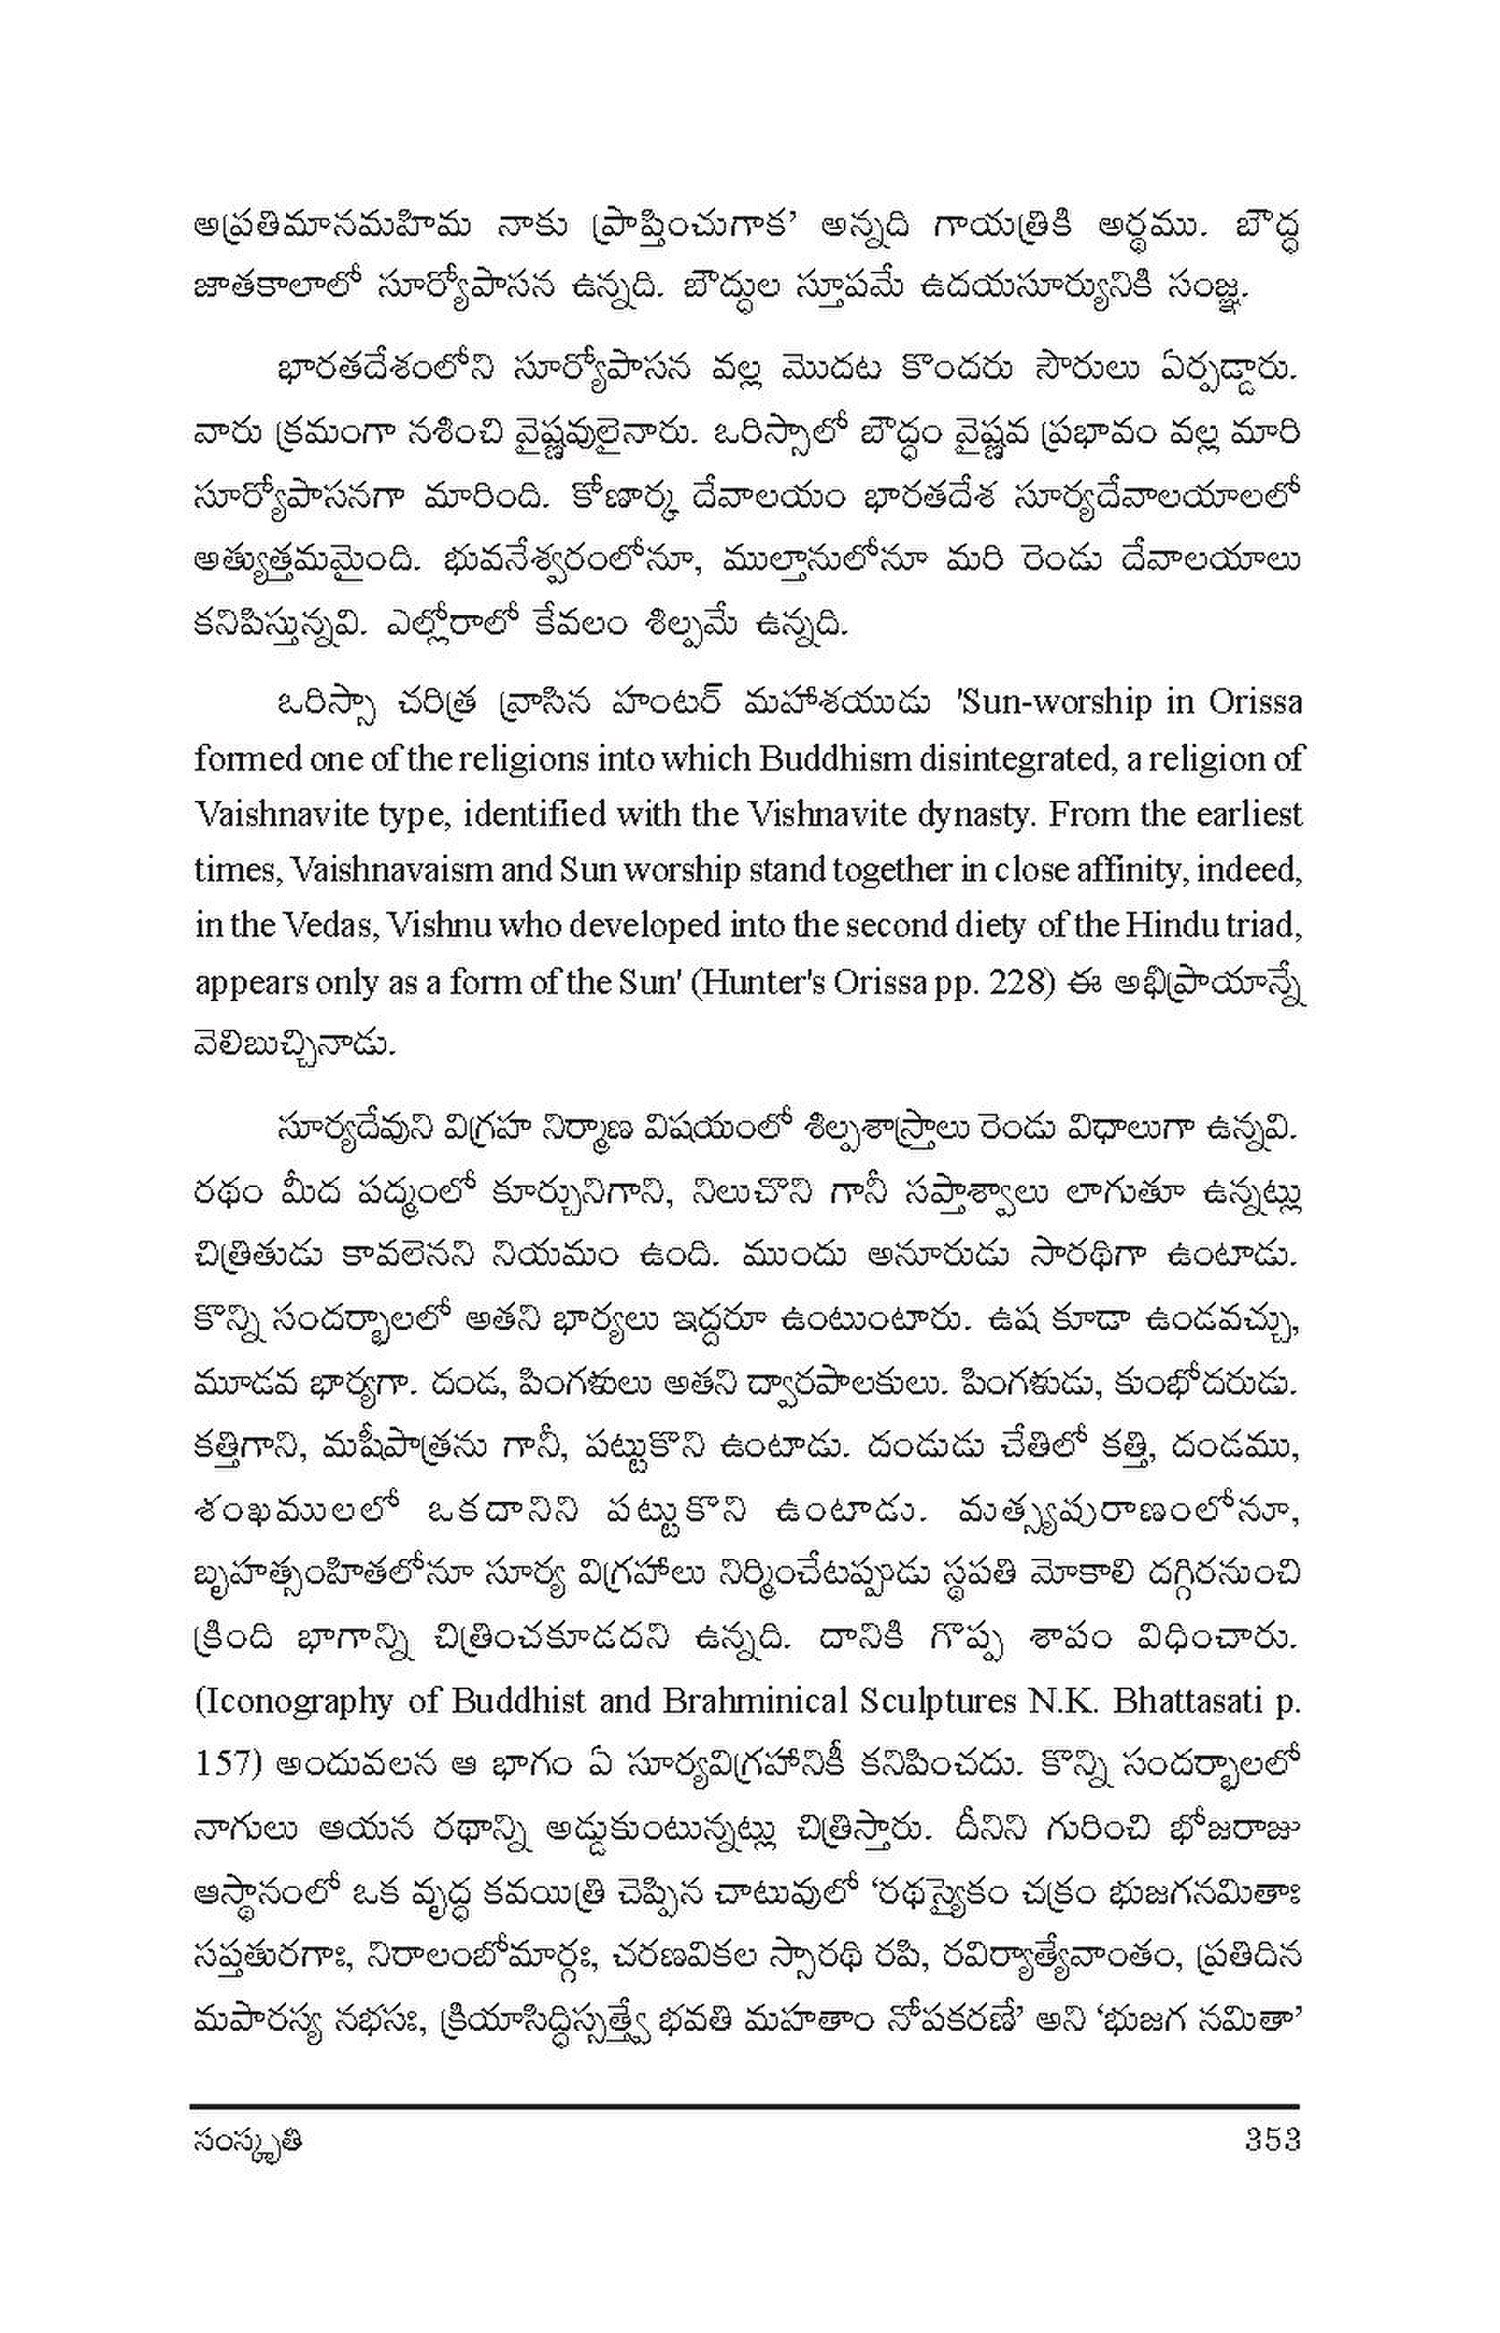అప్రతిమానమహిమ నాకు ప్రాప్తించుగాక' అన్నది గాయత్రికి అర్థము. బౌద్ధ
జాతకాలాలో సూర్యోపాసన ఉన్నది. బౌద్ధుల స్తూపమే ఉదయసూర్యునికి సంజ్ఞ.

భారతదేశంలోని సూర్యోపాసన వల్ల మొదట కొందరు పౌరులు ఏర్పడ్డారు.
వారు క్రమంగా నశించి వైష్ణవులైనారు. ఒరిస్సాలో బౌద్ధం వైష్ణవ ప్రభావం వల్ల మారి
సూర్యోపాసనగా మారింది. కోణార్క దేవాలయం భారతదేశ సూర్యదేవాలయాలలో
అత్యుత్తమమైంది. భువనేశ్వరంలోనూ, ముల్తానులోనూ మరి రెండు దేవాలయాలు
కనిపిస్తున్నవి. ఎల్లోరాలో కేవలం శిల్పమే ఉన్నది.

ఒరిస్సా చరిత్ర వ్రాసిన హంటర్ మహాశయుడు 'Sun-worship in Orissa
formed one of the religions into which Buddhism disintegrated, a religion of
Vaishnavite type, identified with the Vishnavite dynasty. From the earliest
times, Vaishnavaism and Sun worship stand together in close affinity, indeed,
in the Vedas, Vishnu who developed into the second diety of the Hindu triad,
appears only as a form of the Sun' (Hunter's Orissapp. 228) ఈ అభిప్రాయాన్నే
వెలిబుచ్చినాడు.

సూర్యదేవుని విగ్రహ నిర్మాణ విషయంలో శిల్పశాస్త్రాలు రెండు విధాలుగా ఉన్నవి.
రథం మీద పద్మంలో కూర్చునిగాని, నిలుచొని గానీ సప్తాశ్వాలు లాగుతూ ఉన్నట్లు
చిత్రితుడు కావలెనని నియమం ఉంది. ముందు అనూరుడు సారథిగా ఉంటాడు.
కొన్ని సందర్భాలలో అతని భార్యలు ఇద్దరూ ఉంటుంటారు. ఉష కూడా ఉండవచ్చు,
మూడవ భార్యగా. దండ, పింగళులు అతని ద్వారపాలకులు. పింగళుడు, కుంభోదరుడు.
కత్తిగాని, మషీపాత్రను గానీ, పట్టుకొని ఉంటాడు. దండుడు చేతిలో కత్తి, దండము,
శంఖములలో ఒకదానిని పట్టుకొని ఉంటాడు. మత్స్యపురాణంలోనూ,
బృహత్సంహితలోనూ సూర్య విగ్రహాలు నిర్మించేటప్పుడు స్థపతి మోకాలి దగ్గిరనుంచి
క్రింది భాగాన్ని చిత్రించకూడదని ఉన్నది. దానికి గొప్ప శాపం విధించారు.
(Iconography of Buddhist and Brahminical Sculptures N.K. Bhattasati p.
157) అందువలన ఆ భాగం ఏ సూర్యవిగ్రహానికీ కనిపించదు. కొన్ని సందర్భాలలో
నాగులు ఆయన రథాన్ని అడ్డుకుంటున్నట్లు చిత్రిస్తారు. దీనిని గురించి భోజరాజు
ఆస్థానంలో ఒక వృద్ధ కవయిత్రి చెప్పిన చాటువులో 'రథస్యైకం చక్రం భుజగనమితాః
సప్తతురగాః, నిరాలంబోమార్గః, చరణవికల స్సారథి రపి, రవిర్యాత్యేవాంతం, ప్రతిదిన
మపారస్య నభసః, క్రియాసిద్ధిస్సత్తే భవతి మహతాం నోపకరణే' అని 'భుజగ నమితా’